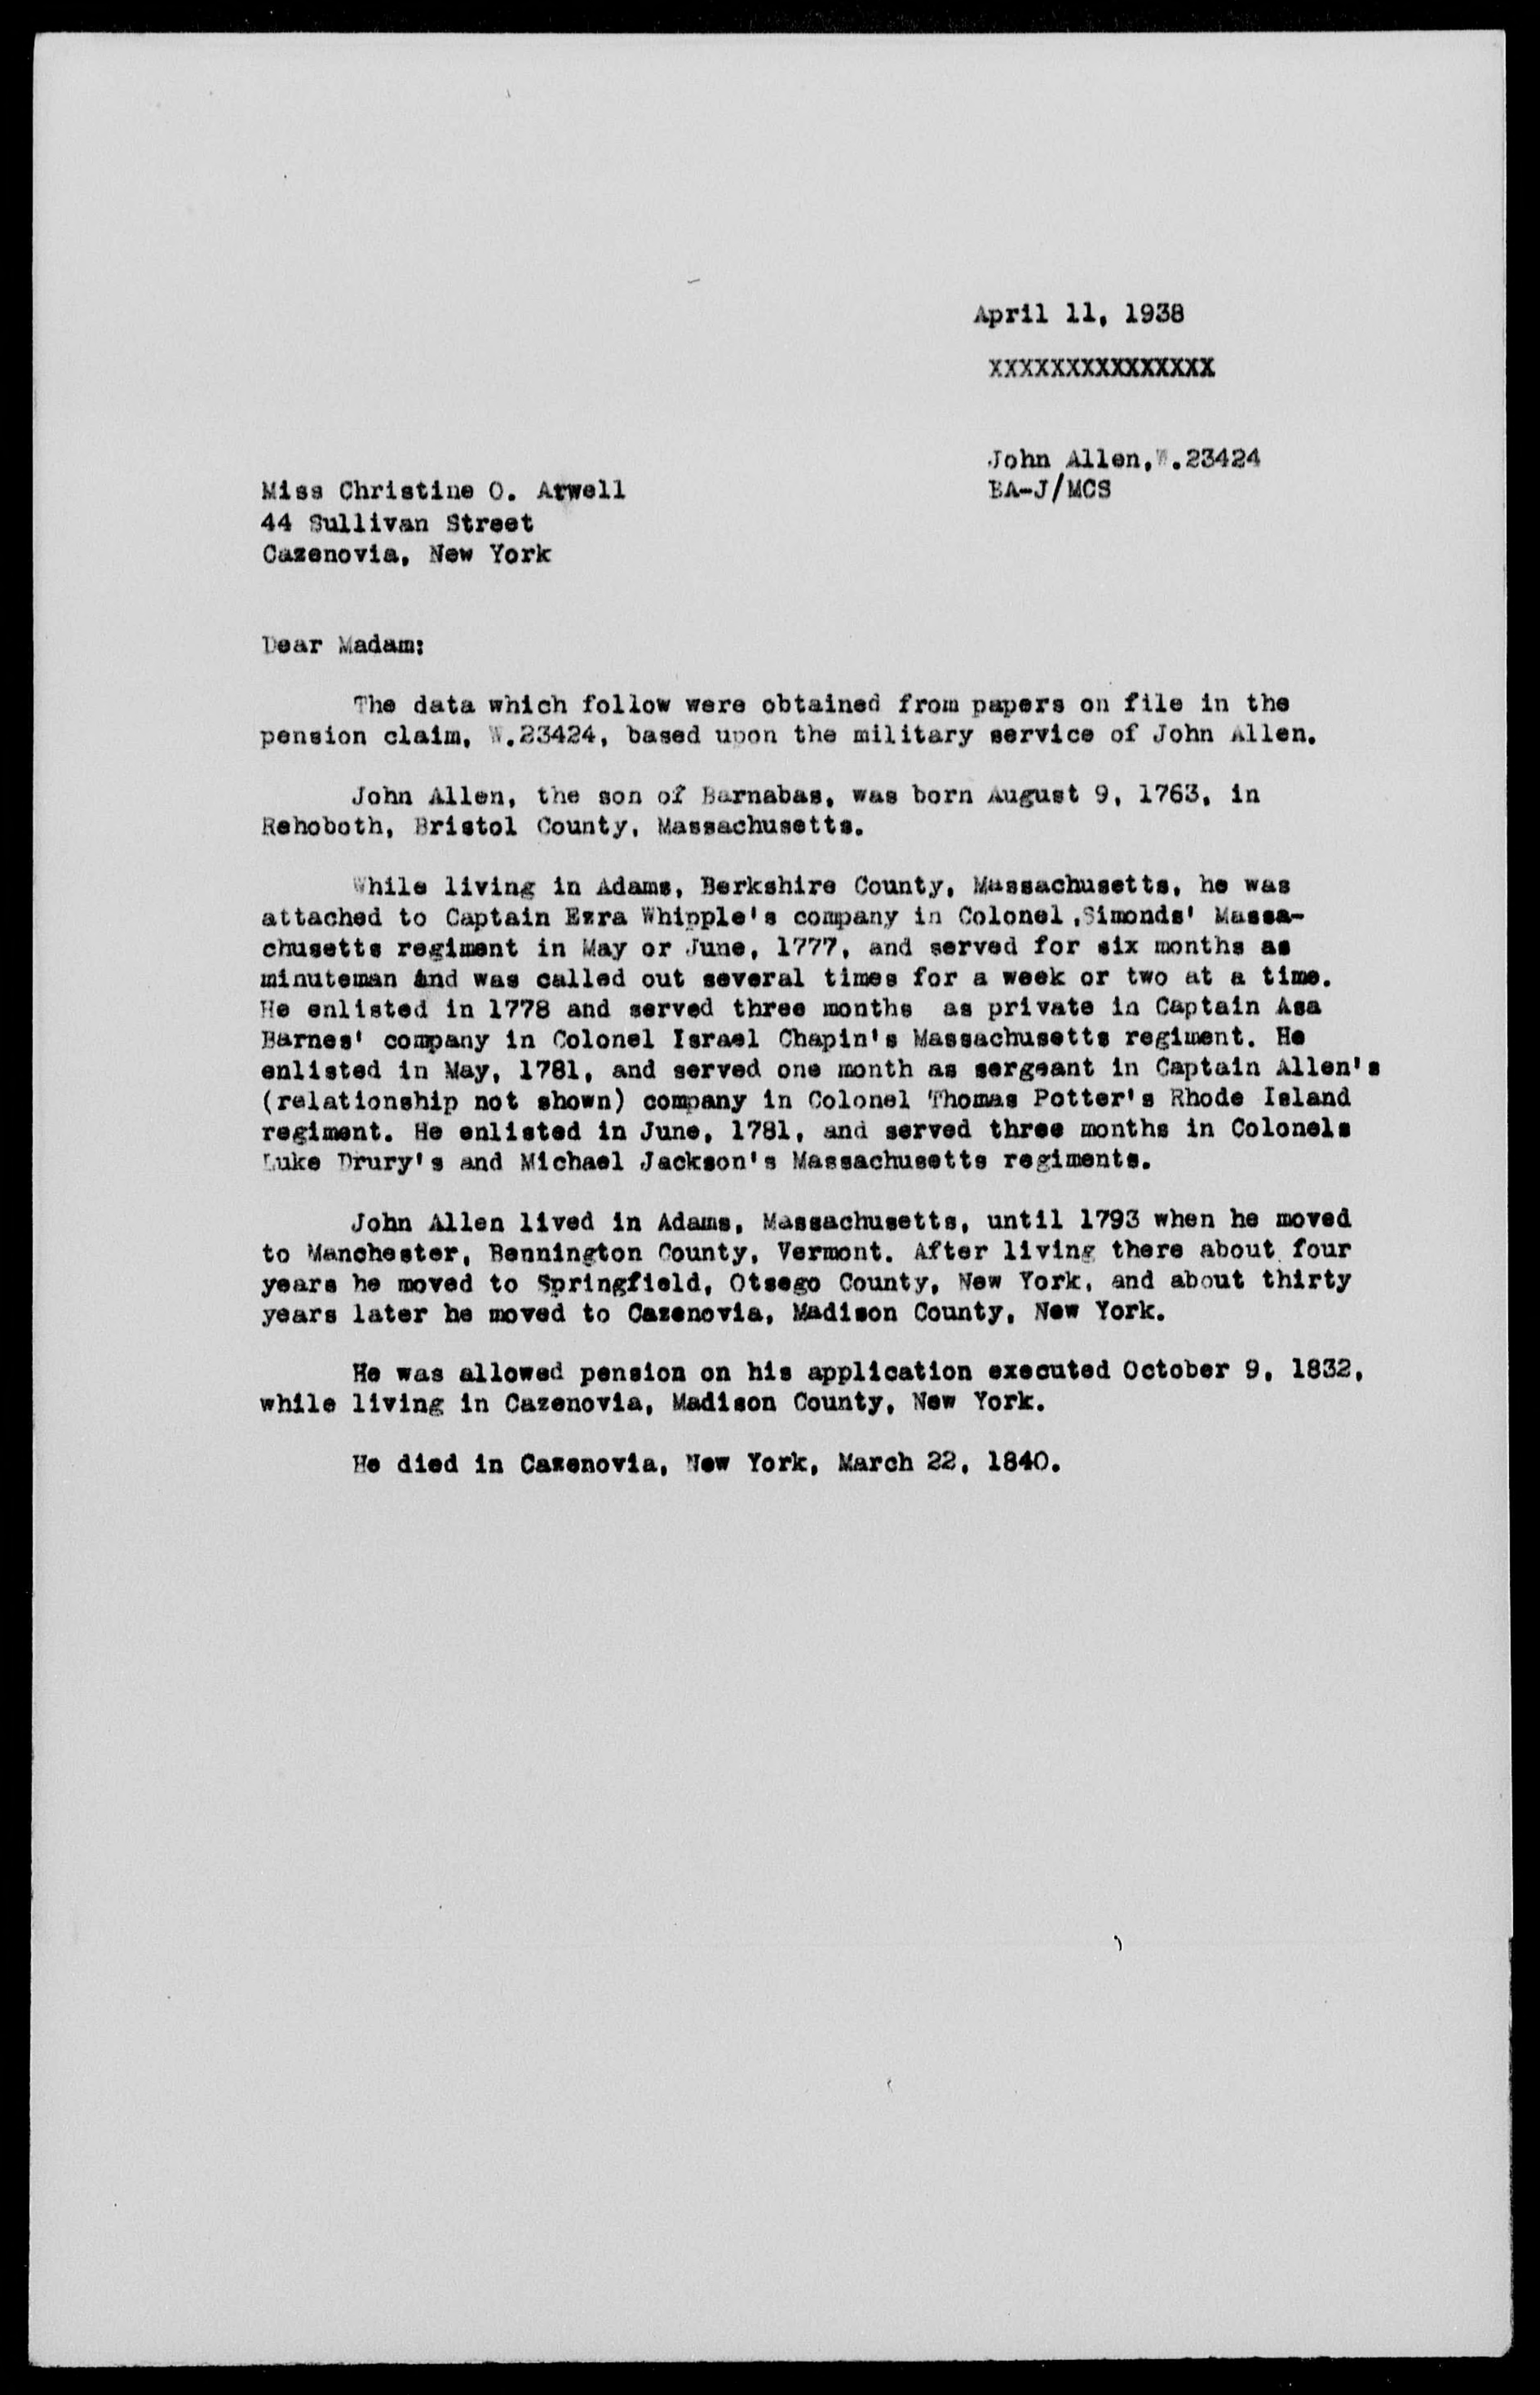April 11, 1938
XXXXXXXXXXXXXXX
Miss Christine O. Atwell
44 Sullivan Street
Cazenovia, New York
John Allen, W.23424
BA-J/MCS
Dear Madam:
The data which follow were obtained from papers on file in the
pension claim, W.23424, based upon the military service of John Allen.
John Allen, the son of Barnabas, was born August 9, 1763, in
Rehoboth, Bristol County, Massachusetts.
While living in Adams, Berkshire County, Massachusetts, he was
attached to Captain Ezra Whipple's company in Colonel Simonds' Massachusetts
regiment in May or June, 1777, and served for six months as
minuteman and was called out several times for a week or two at a time.
He enlisted in 1778 and served three months as private in Captain Asa
Barnes' company in Colonel Israel Chapin's Massachusetts regiment. He
enlisted in May, 1781, and served one month as sergeant in Captain Allen's
(relationship not shown) company in Colonel Thomas Potter's Rhode Island
regiment. He enlisted in June, 1781, and served three months in Colonels
Luke Drury's and Michael Jackson's Massachusetts regiments.
John Allen lived in Adams, Massachusetts, until 1793 when he moved to
Manchester, Bennington County, Vermont. After living there about four
years he moved to Springfield, Otsego County, New York, and about thirty
years later he moved to Cazenovia, Madison County, New York.
He was allowed pension on his application executed October 9, 1832,
while living in Cazenovia, Madison County, New York.
He died in Cazenovia, New York, March 22, 1840.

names: John Allen, John Allen, Christine O Atwell, Barnabas, John Allen, John Allen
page: 71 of 74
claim: widow's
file: W. 23424, John Allen, Mass. R. I.